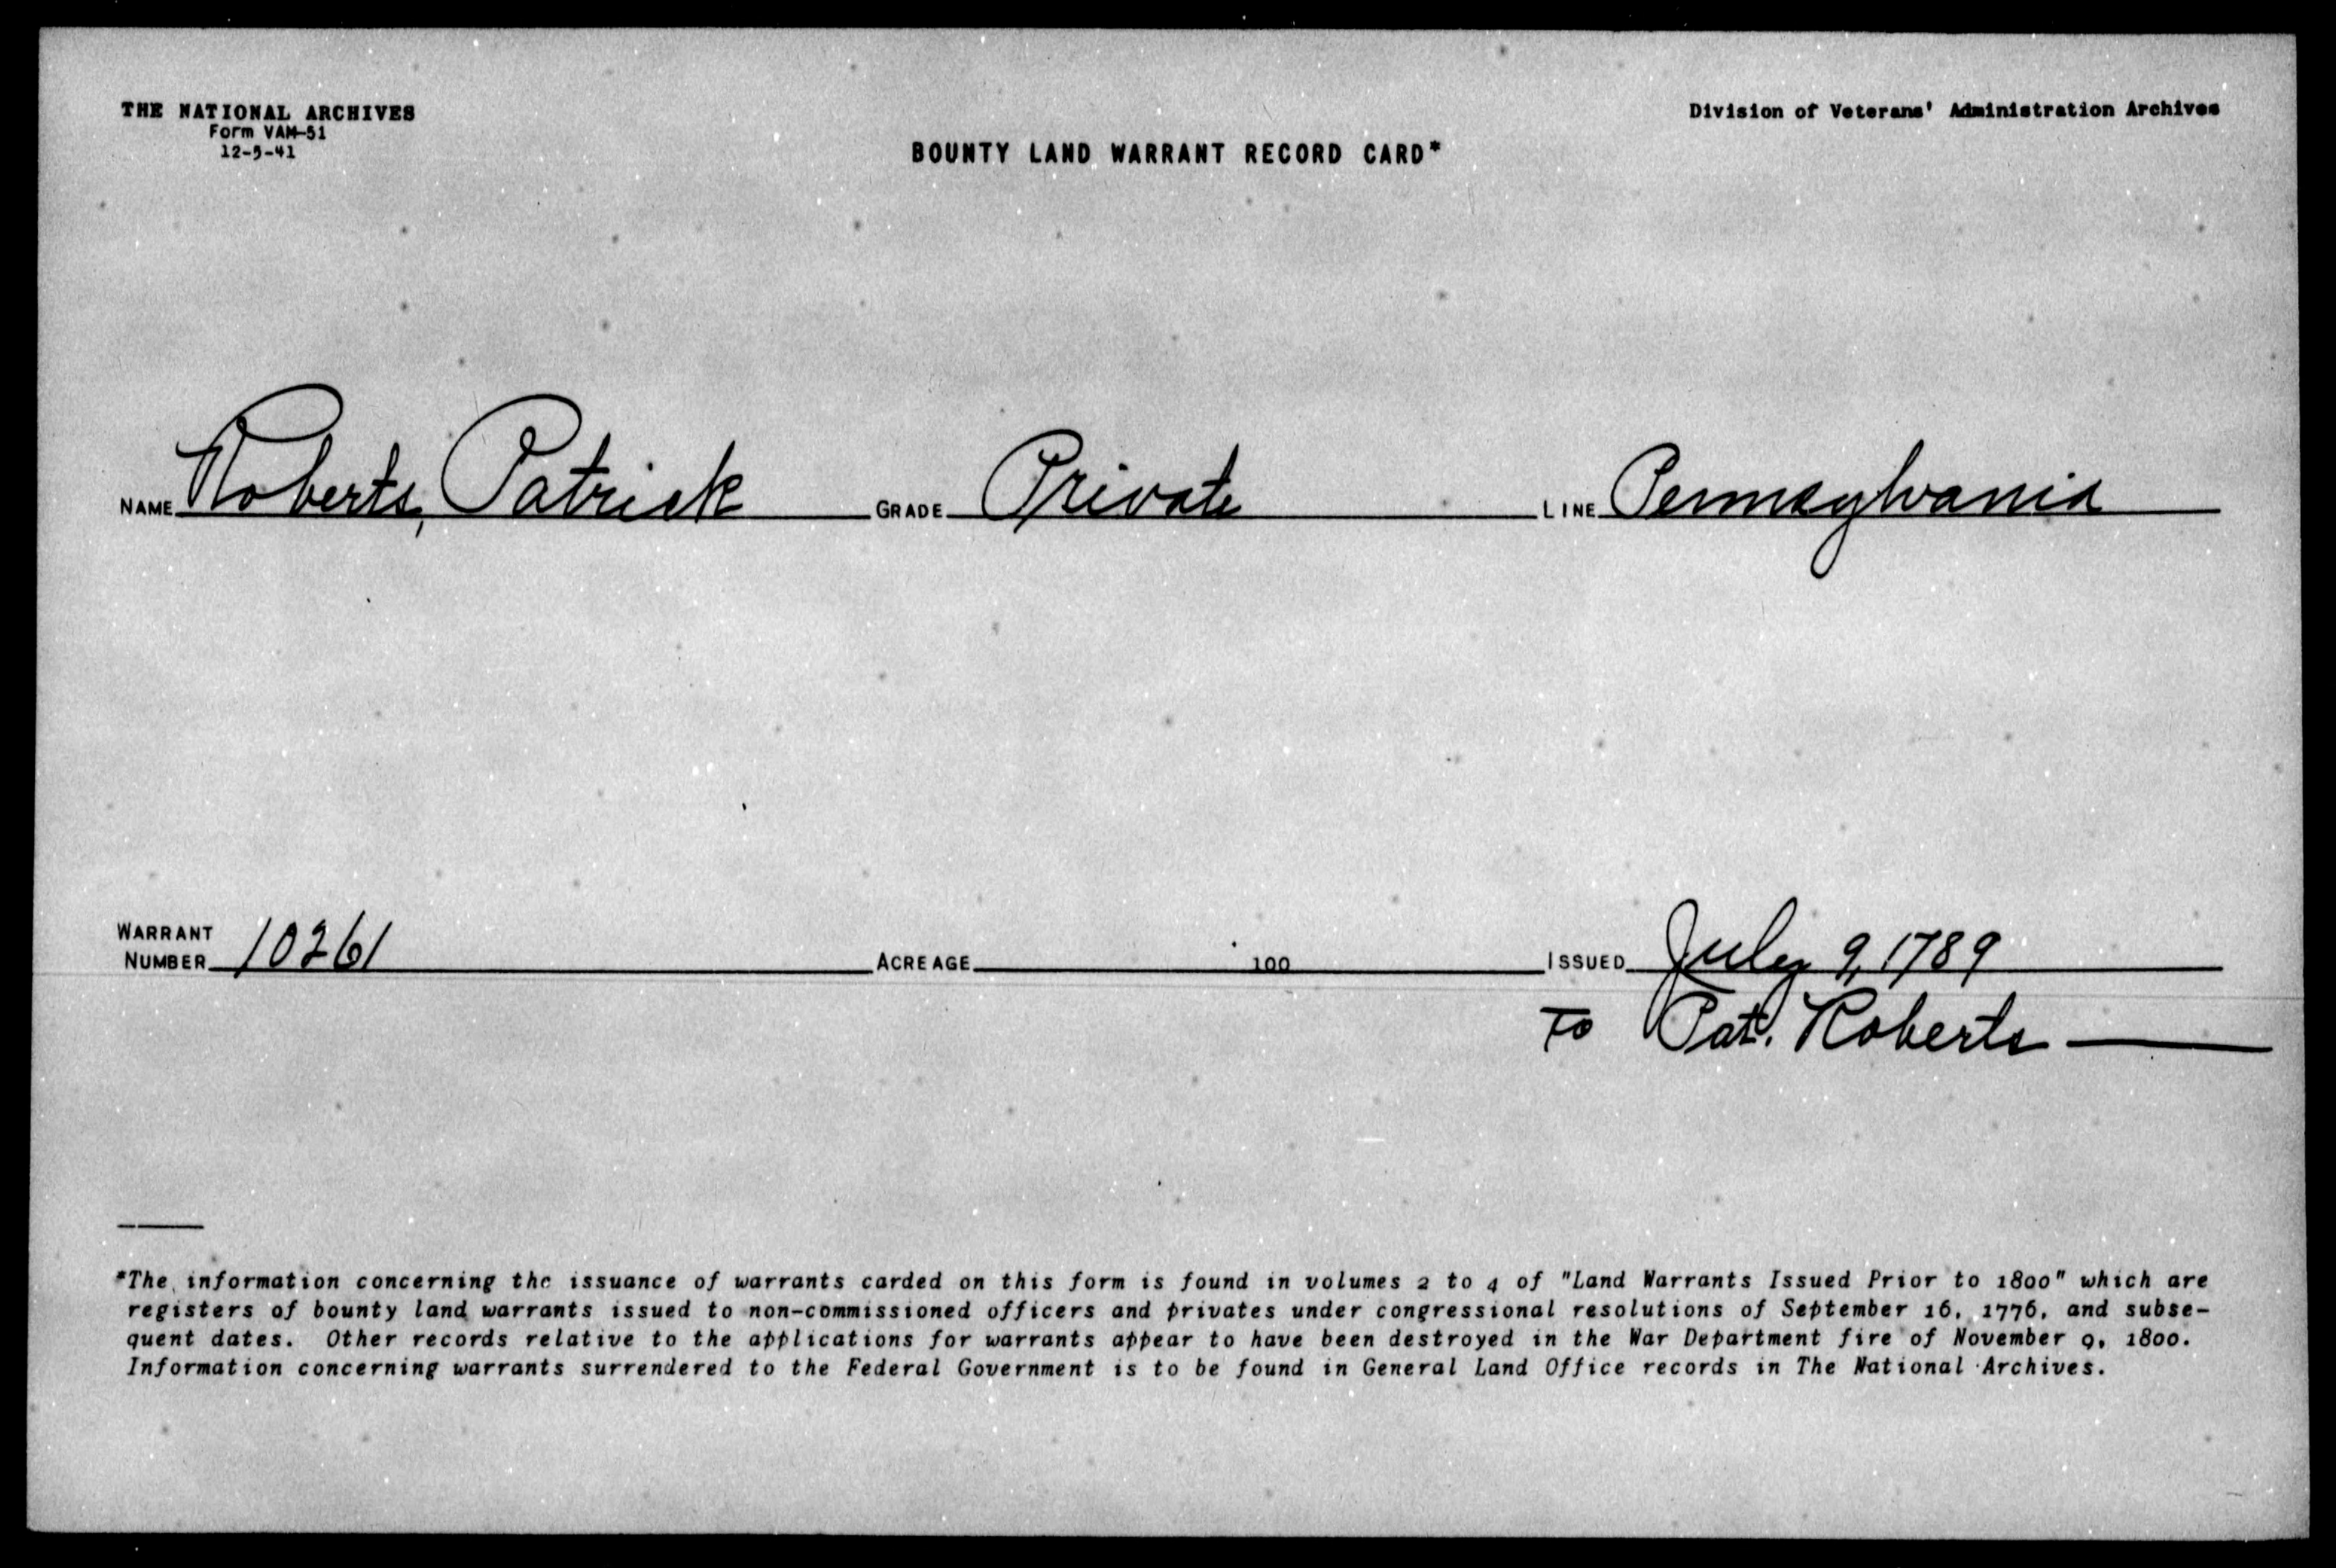THE NATIONAL ARCHIVES
Form VAM-51
12-5-41

BOUNTY LAND WARRANT RECORD CARD*

Division of Veterans' Administration Archives

NAME Roberts Patrick
GRADE Private
LINE Pennsylvania
WARRANT NUMBER 10261
ACREAGE 100
ISSUED July 9,1789
To Pat Roberts

The information concerning the issuance of warrants carded on this form is found in volumes 2 to 4 of "Land Warrants Issued Prior to 1800" which are
registers of bounty land warrants issued to non-commissioned officers and privates under congressional resolutions of September 16, 1776, and subsequent dates. Other records relative to the applications for warrants appear to have been destroyed in the War Department fire of November 9. 1800.
Information concerning warrants surrendered to the Federal Government is to be found in General Land Office records in The National Archives.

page: 59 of 59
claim: bounty land warrant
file: B.L.Wt. 2359-500, for Owen Roberts, South Carolina